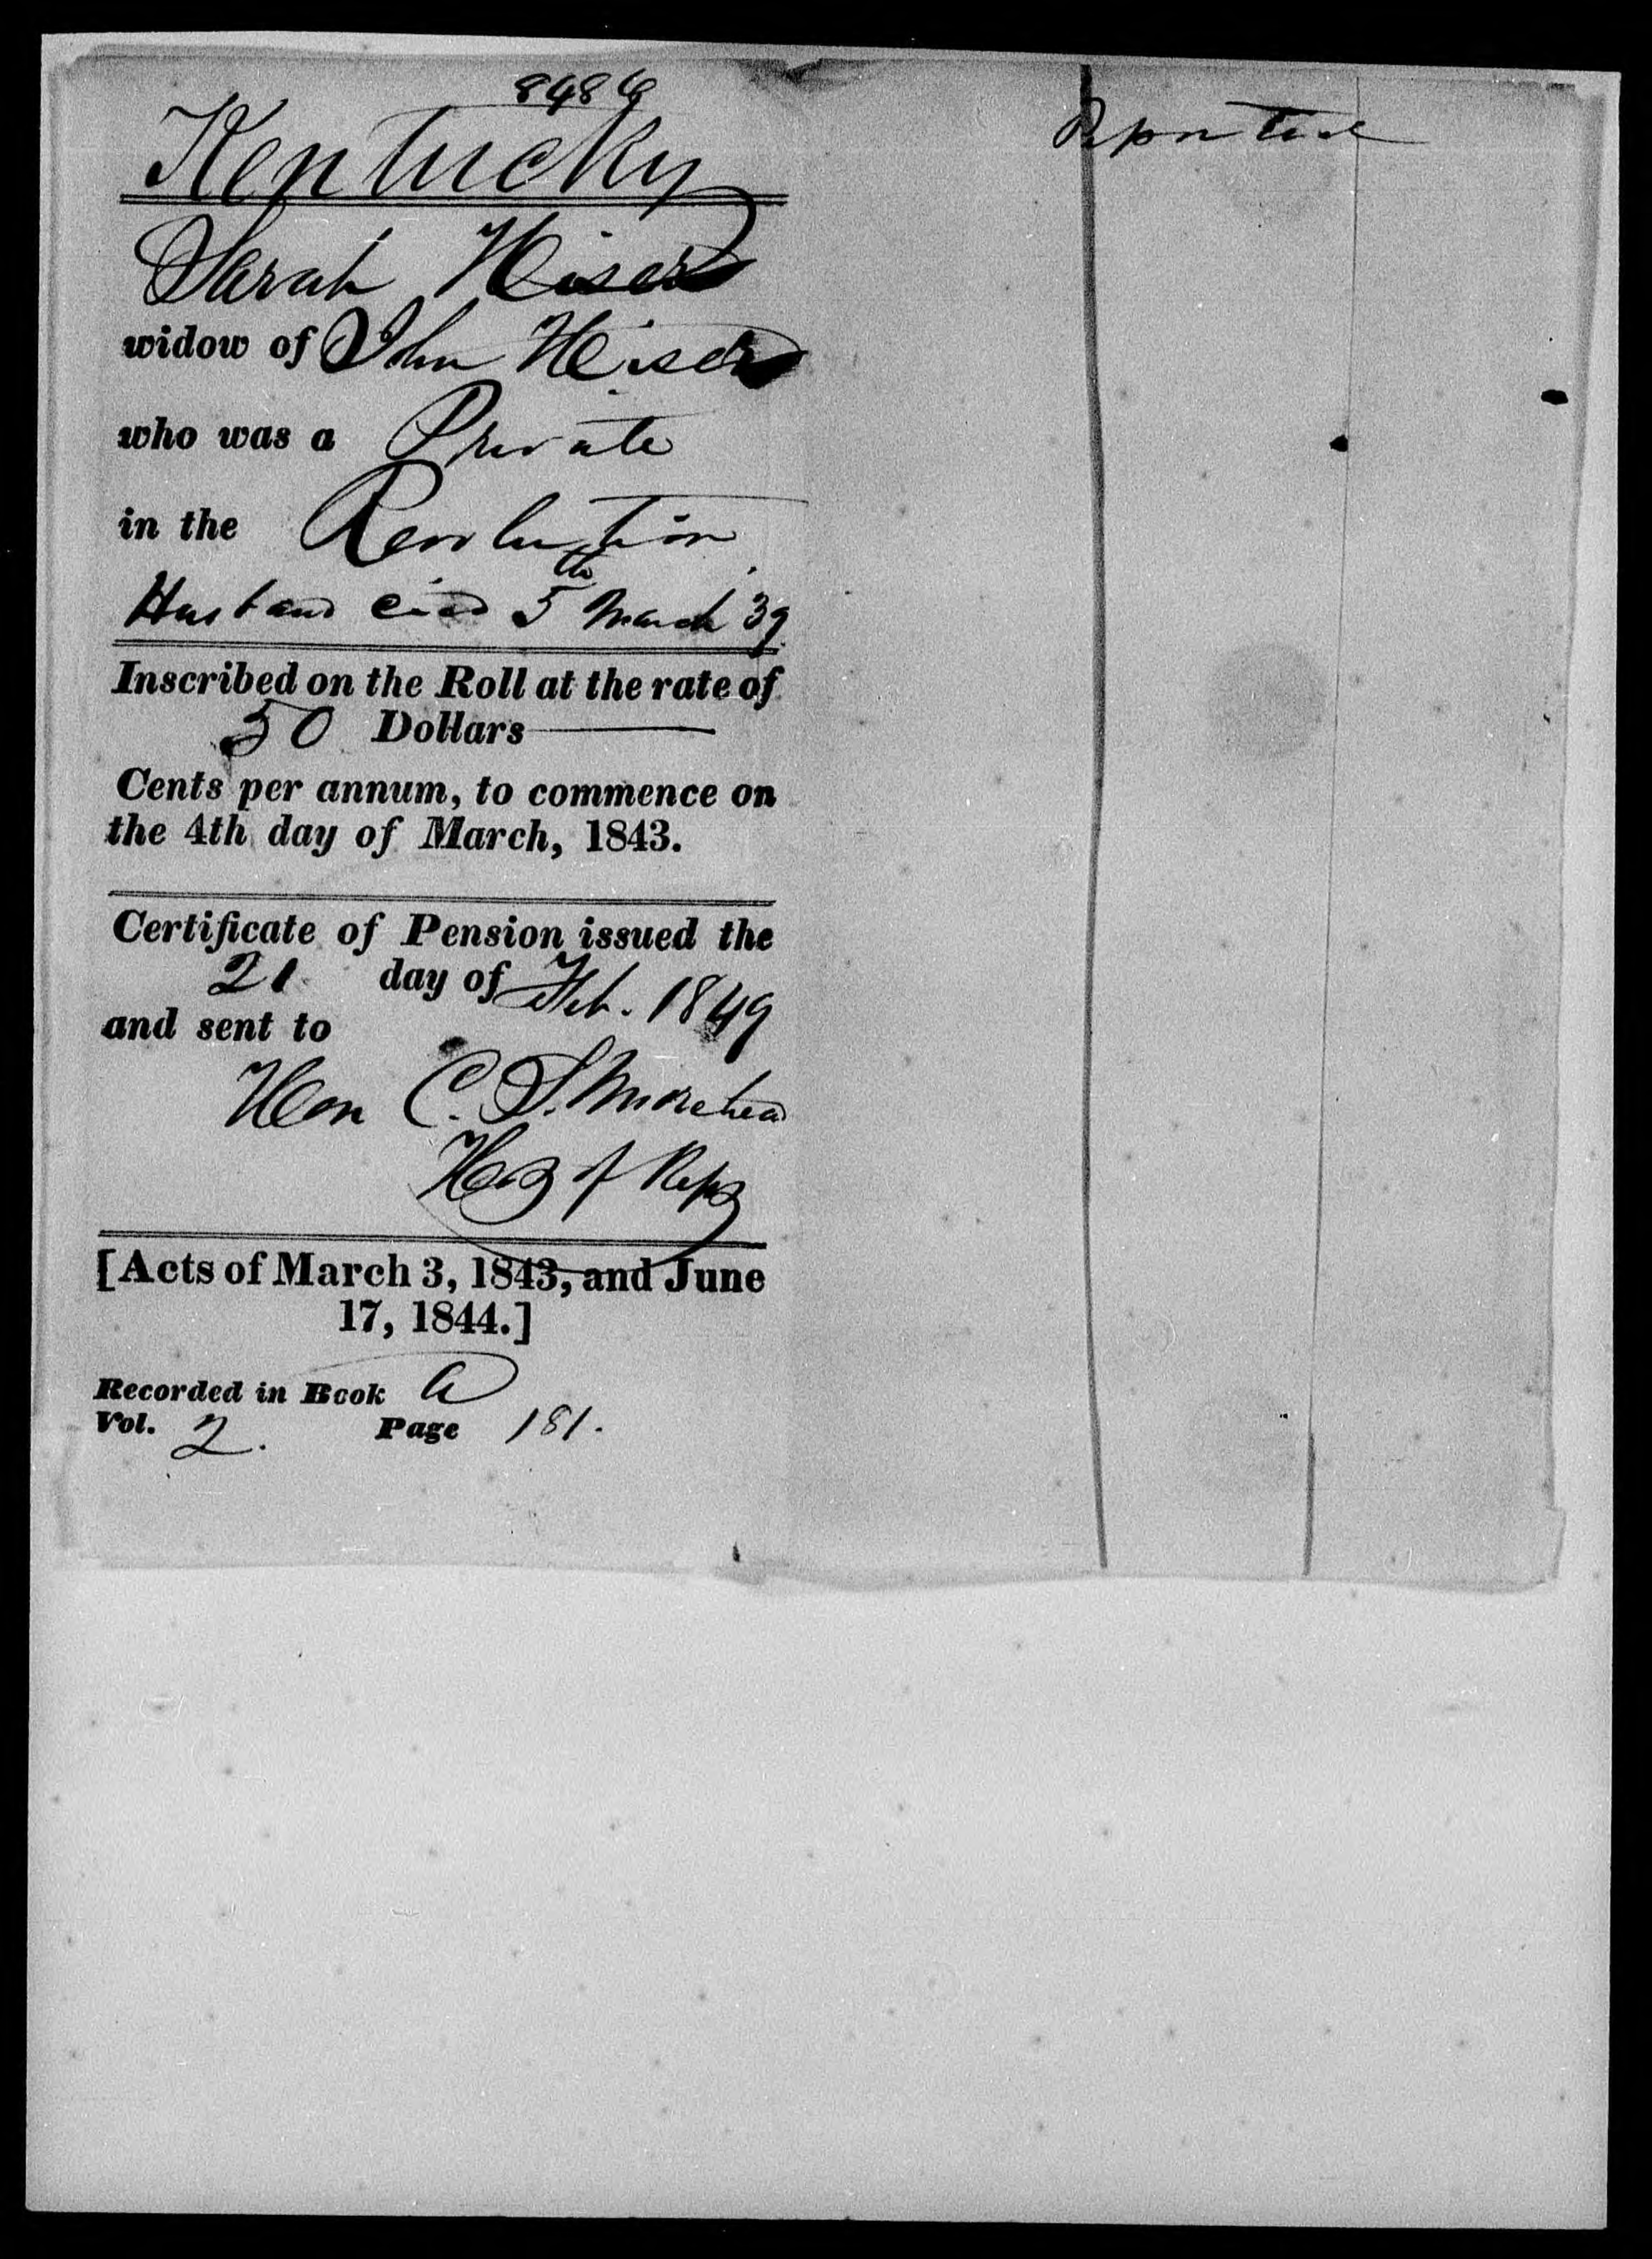8486
Kentucky
Sarah Hiser widów of John Hiser who was a Private in the Revolution 
Husband died 5 March 39

Inscribed on the Roll at the rate of 50 Dollars
________ Cents per annum, to commence on the 4th day of March, 1843.

Certificate of Pension issued the 21 day of Feb. 1849 and sent to Hon. C. S. Morehead (illegible) of Rep.
(Acts of March 3, 1843, and June 17, 1844.)

Recorded in Book A Vol. 2. Page 181.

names: Sarah Hiser, John Hiser, C S Morehead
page: 15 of 58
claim: widow's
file: W. 8932, John Hiser, Penn.